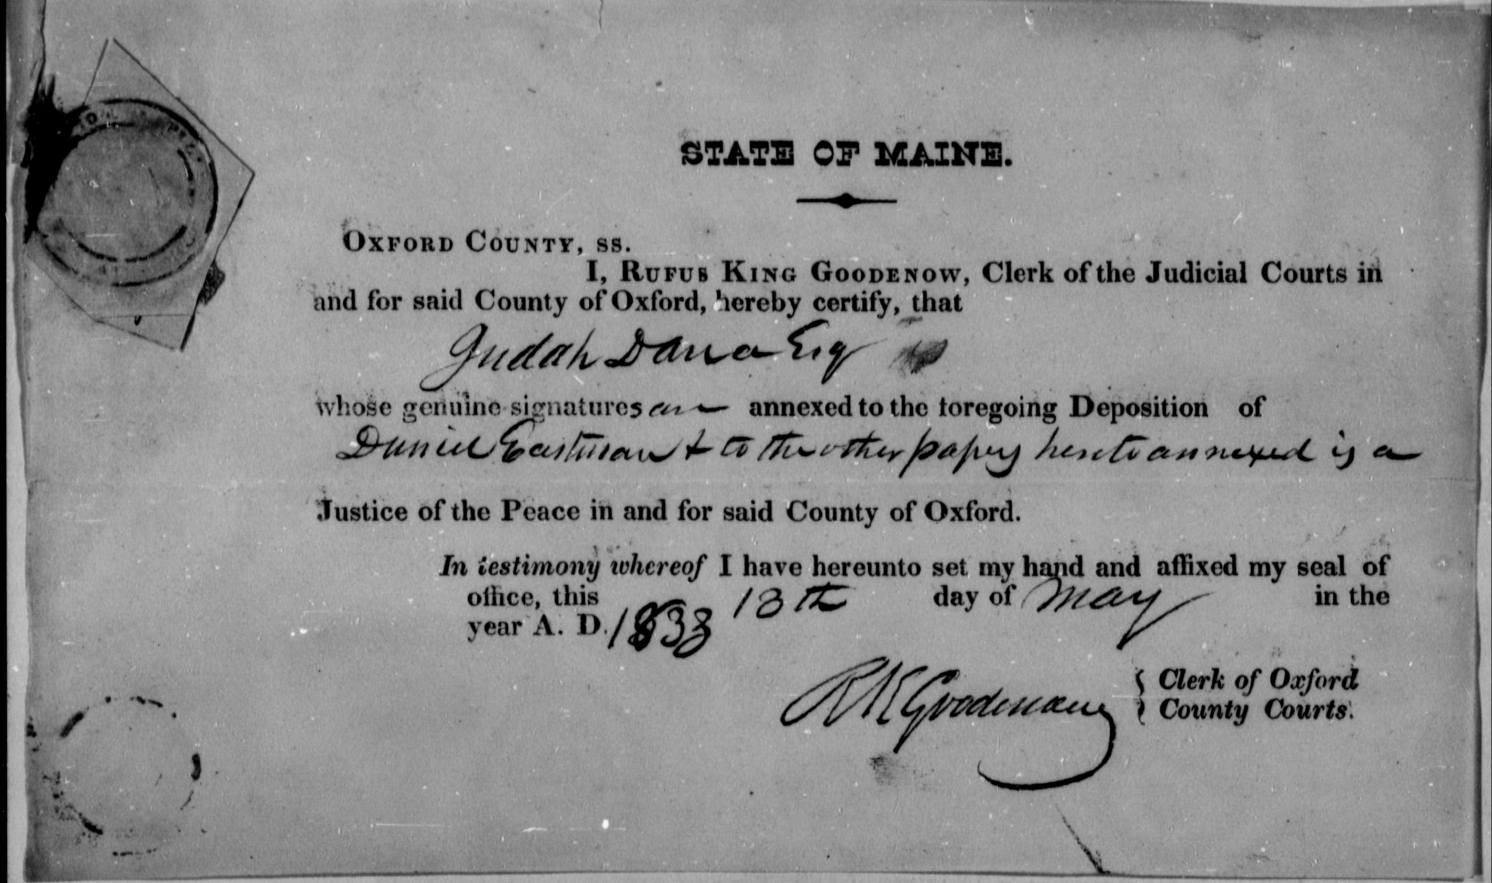STATE OF MAINE.
       ---*---
OXFORD COUNTY, SS.
I, RUFUS KING GOODENOW, Clerk of the Judicial Courts in and for said County of Oxford, hereby certify, that
Judah Dana, Esq.
whose genuine signatures are annexed to the foregoing Deposition of Daniel Eastman + to the other papers hereto annexed is a Justice of the Peace in and for said County of Oxford.

In testimony whereof I have hereunto set my hand and affixed my seal of office, this 13th day of May in the year A.D. 1833.

[SIGNED: R. K. Goodman] 
[Clerk of Oxford
{County Courts.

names: Judah Dana, R K Goodman, Daniel Eastman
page: 27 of 86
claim: survivor's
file: S 29,568, Isaac Abbot, Mass